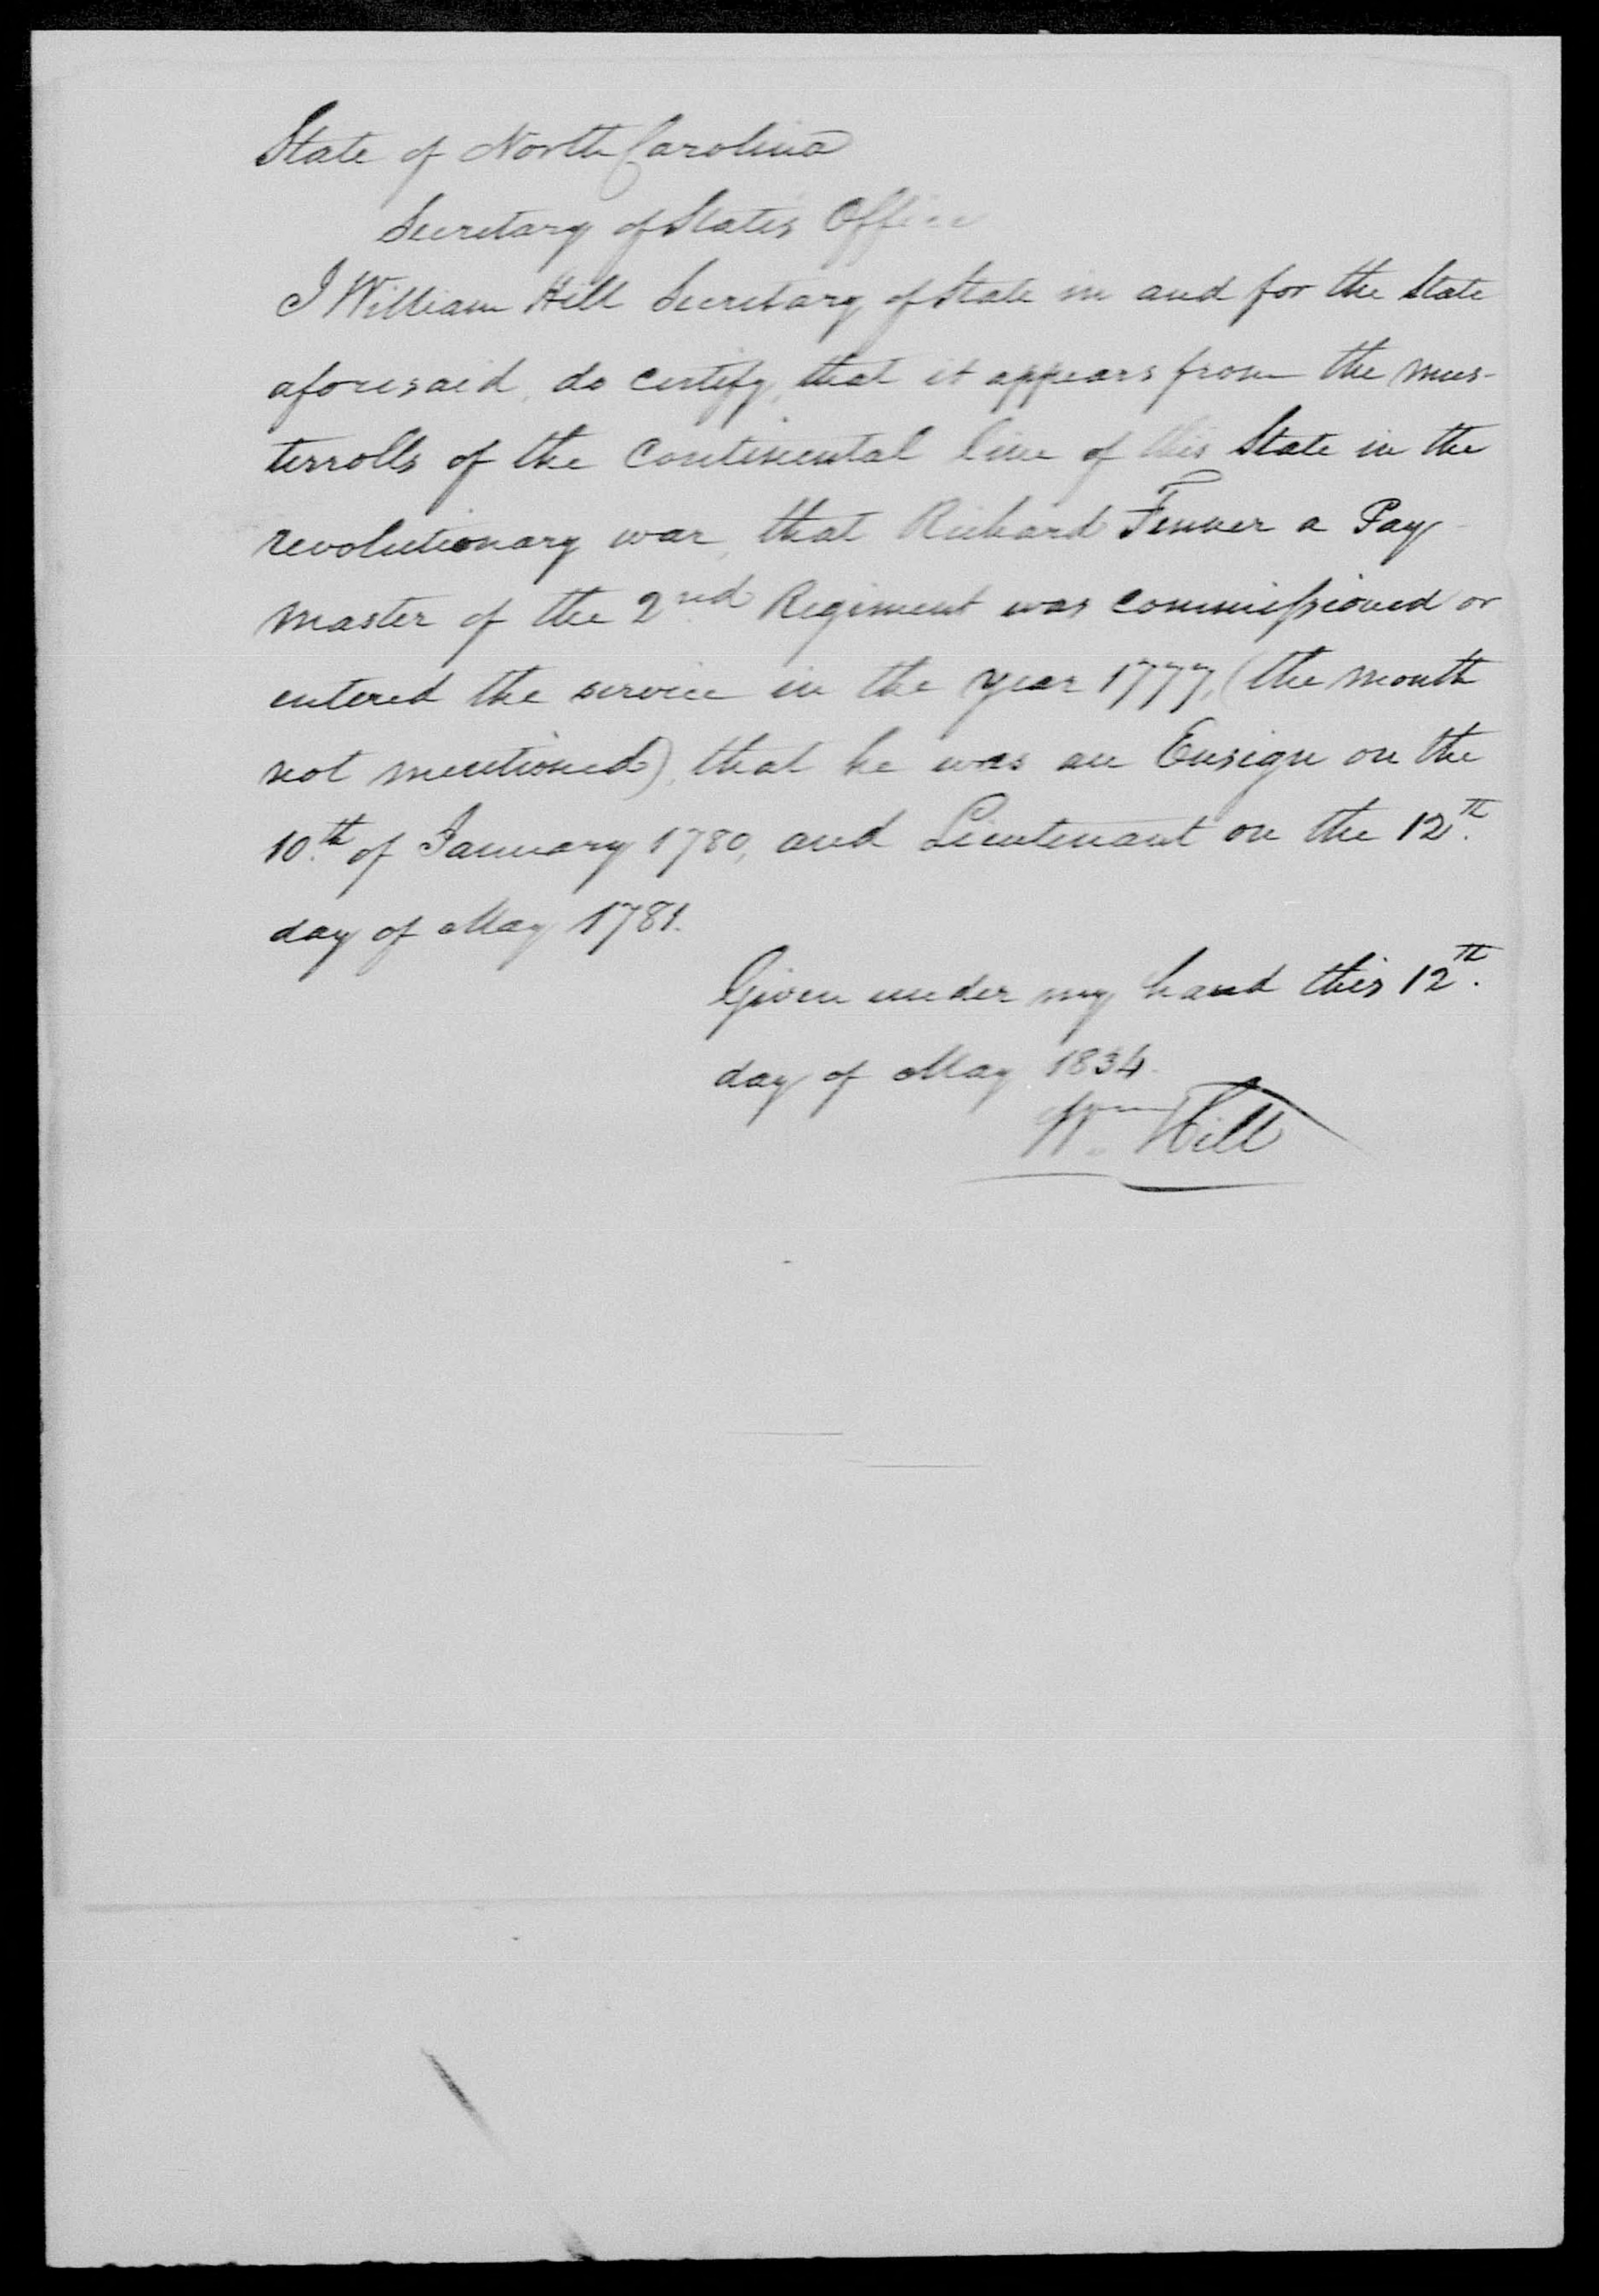State of North Carolina
Secretary of State's Office

I William Hill Secretary of State in and for the State aforesaid do certify that it appears from the musterrolls of the continental line of this state in the revolutionary war that Richard Fenner a Pay Master of the 2nd Regiment was commissioned or entered the service in the year 1777 (the month not mentioned), that he was an Ensign on the 10th of January 1780 and Lieutenant on the 12th day of July 1781.

Given under my hand this 12th day of May 1834

Wm. Hill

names: William Hill, Richard Fenner, Wm Hill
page: 25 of 39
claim: widow's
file: W. 789, Richard Fenner, N.C.